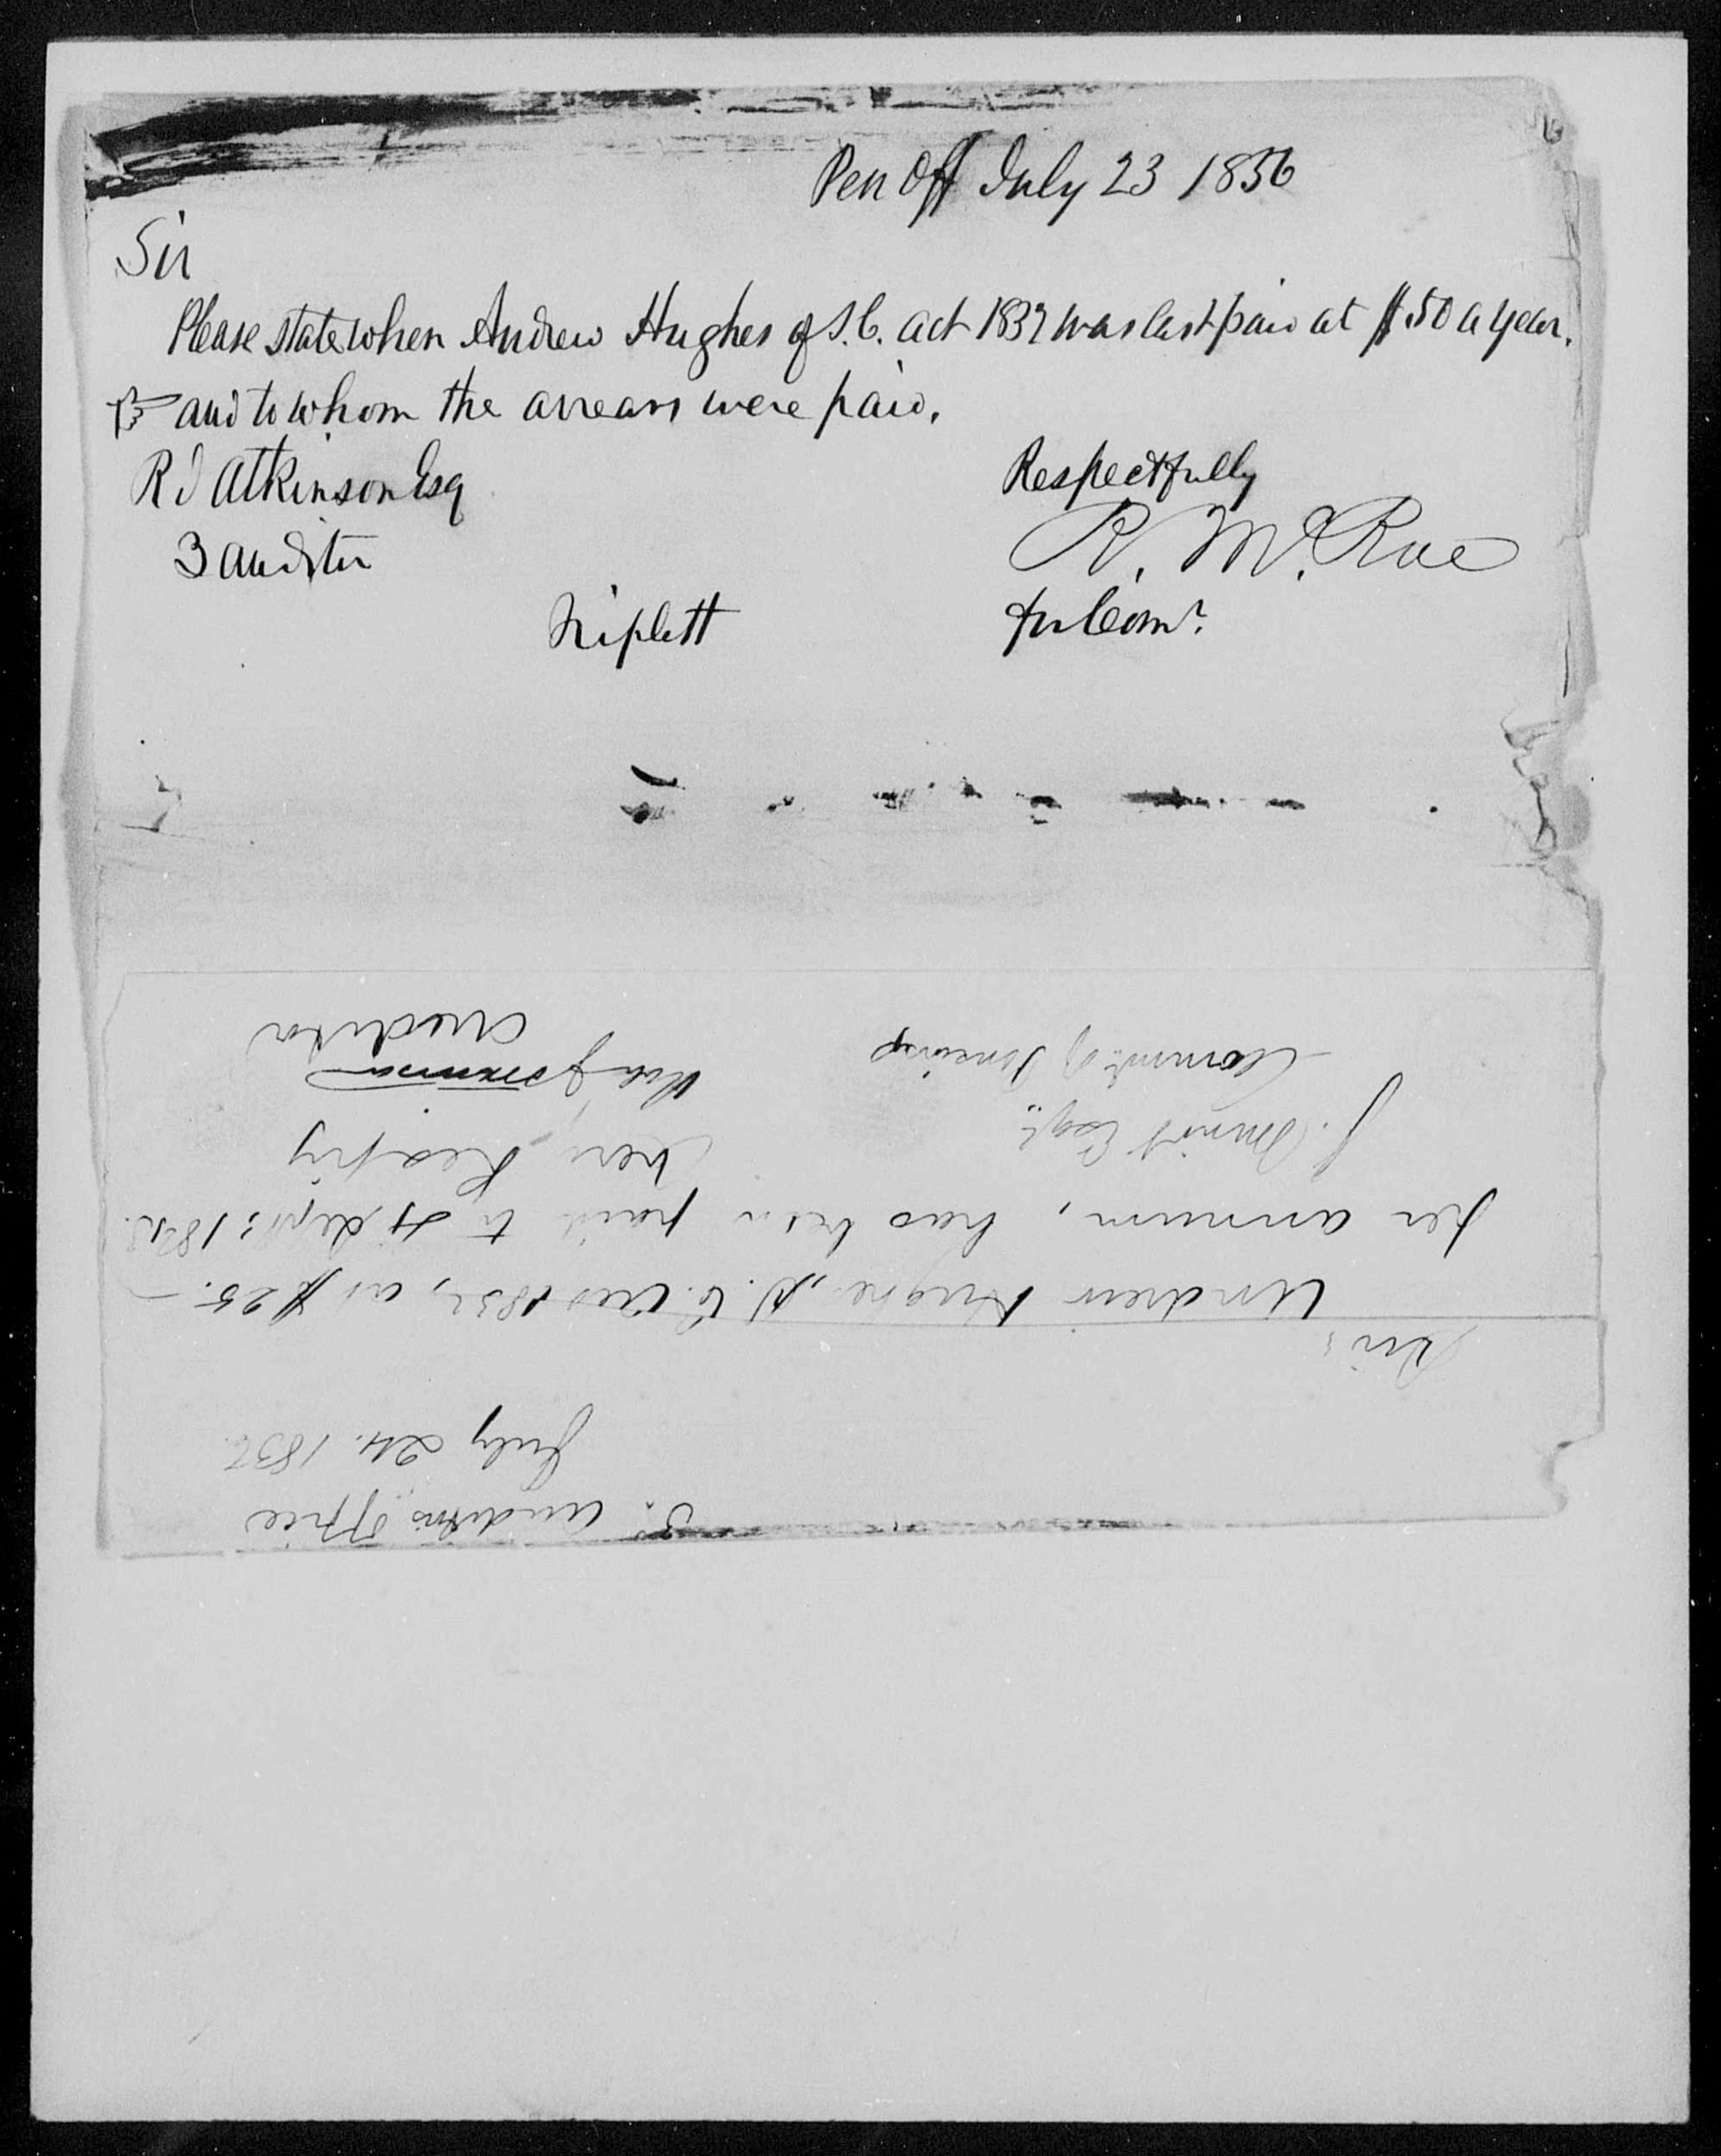Pen of July 23 1856
Sir
Please state when Andrew Hughes of S. C. ach 1832 was cash paid at $50 a year, and to whome the arrears were paid.
R. J. Atkinson Esq
[Illegible]
Respectfully
R. Mc. Rue
[Illegible]
[Illegible]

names: J Minot, Rob J Atkinson, Andrew Hughes, Triplett, R J Atkinson, R Mc Rue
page: 22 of 75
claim: widow's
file: W. 25805, Andrew Hughes, N.C.